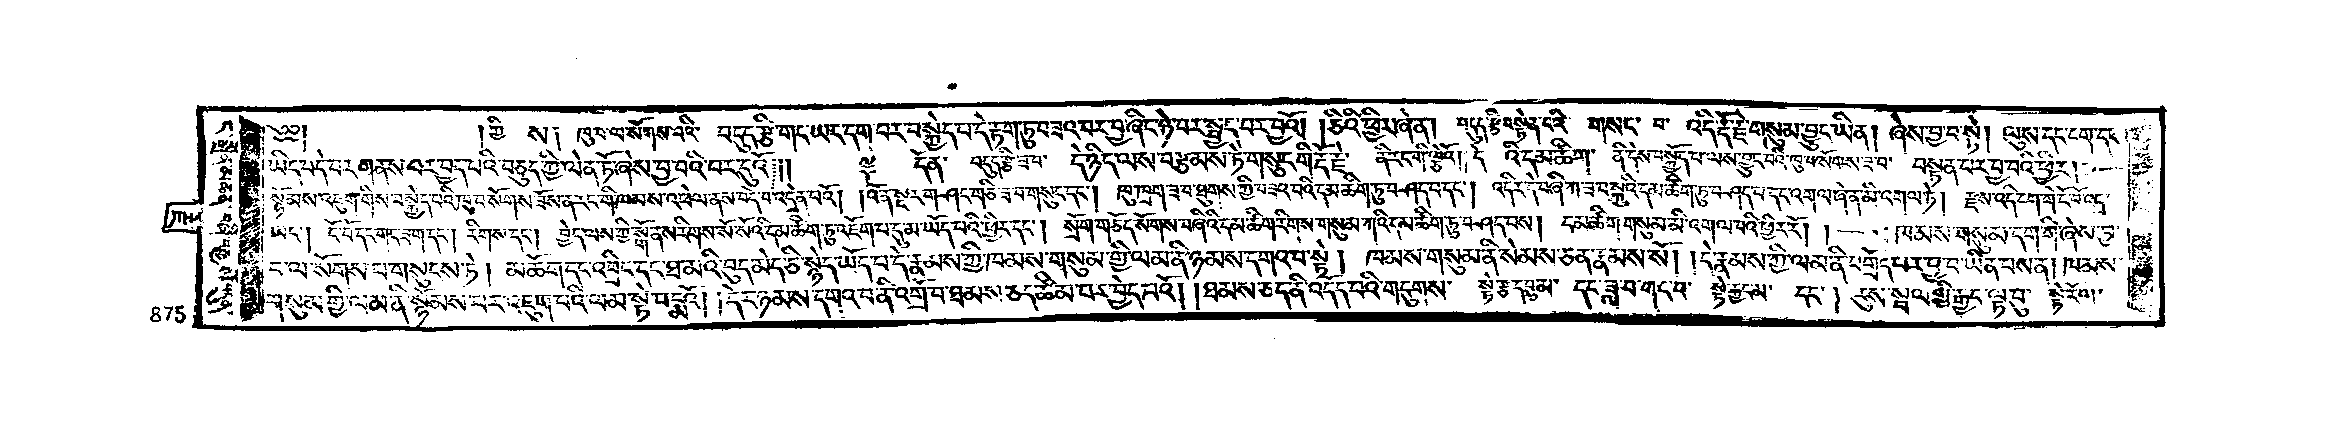༄༅། །ཀྱིས། ཁུ་བ་ལ་སོགས་པའི་བདུད་རྩི་གང་ཡང་དག་པར་བསྐྱེད་པ་དེ་རྟག་ཏུ་བཟའ་བར་བྱ་ཞིང་ཉེ་བར་སྤྱད་པར་བྱའོ། །ཅིའི་ཕྱིར་ཞེ་ན། བདུད་རྩི་བསྟེན་པའི་གསང་བ་འདི་རྡོ་རྗེ་གསུམ་བྱུང་ཡིན། ཞེས་བྱ་བ་སྟེ། ལུས་དང་ངག་དང་
ཡིད་བདེ་བར་གནས་པར་བྱད་པའི་བཅུད་ཀྱི་ལེན་ཏོ་ཞེས་བྱ་བའི་བར་དུའོ།། ༈ དོན་བདུད་རྩི་ཟ་བ་དེ་ཉིད་ལས་བརྩམས་ཏེ་གསུང་གི་རྡོ་རྗེ་ནི་རང་གི་ལྕེའོ། །དེའི་དམ་ཚིག་ནི་དེས་བསྐྱོད་པ་ལས་བྱུང་བའི་ཁུ་བ་སོགས་ཟ་བ་བསྟན་པར་བྱ་བའི་ཕྱིར།H.
སྙོམས་འཇུག་གིས་བསྐྱེད་པའི་ཁུ་བ་སོགས་ཟོས་ན་རང་གི་ཁམས་འཕེལ་ནས་བདེ་བ་འདྲེན་པའོ། །འོ་ན་སྔར་གཤད་གཅི་ཟ་བ་གསུང་དང་། ཁུ་ཁྲག་ཟ་བ་ཐུགས་ཀྱི་བཟའ་བའི་དམ་ཚིག་ཏུ་བཤད་པ་དང་། འདིར་དེ་བཞི་ཀ་ཟ་བ་སྐུའི་དམ་ཚིག་ཏུ་བཤད་པ་དང་འགལ་ཞེ་ན་མི་འགལ་ཏེ། རྫས་འདི་དག་གི་ངོ་བོ་འདྲ་
ཡང་། ངོ་བོ་དང་གང་ཟག་དང་། རིགས་དང་། བྱེད་ལས་ཀྱི་སྒོ་ནས་རིགས་སོ་སོའི་དམ་ཚིག་ཏུ་འཇོག་པ་དུ་མ་ཡོད་པའི་ཕྱིར་དང་། སྲོག་གཅོད་སོགས་བཞིའི་དམ་ཚིག་རིགས་གསུམ་ཀའི་དམ་ཚིག་ཏུ་བཤད་པས། དམ་ཚིག་གསུམ་མི་འགལ་བའི་ཕྱིར་རོ།།.H ཁམས་གསུམ་དག་གི་ཞེས་བྱ་
བ་ལ་སོགས་པ་གསུངས་ཏེ། མཆོག་དང་འབྲིང་དང་ཐ་མའི་བུད་མེད་ཅི་སྙེད་ཡོད་པ་དེ་རྣམས་ཀྱི་ཁམས་གསུམ་གྱི་ལམ་ནི་ཉམས་དགའ་བ་སྟེ། ཁམས་གསུམ་ནི་སེམས་ཅན་རྣམས་སོ། །དེ་རྣམས་ཀྱི་ལམ་ནི་བགྲོད་པར་བྱ་བ་ཡིན་པས་ན། ཁམས་
གསུམ་གྱི་ལམ་ནི་སྙོམས་པར་འཇུག་པའི་ལམ་སྟེ་པདམའོ། །དེར་ཉམས་དགའ་བ་ནི་འགྲོ་བ་ཐམས་ཅད་ཚིམ་པར་བྱེད་པའོ། །ཐམས་ཅད་ནི་འདོད་པའི་གདུགས་སྟེ་རྩ་དབུ་མ་དང་ཟླ་བ་གང་བ་སྟེ་རྐྱང་མ་དང་། རུས་སྦལ་གྱི་རྒྱབ་ལྟ་བུ་སྟེ་རོ་མ་